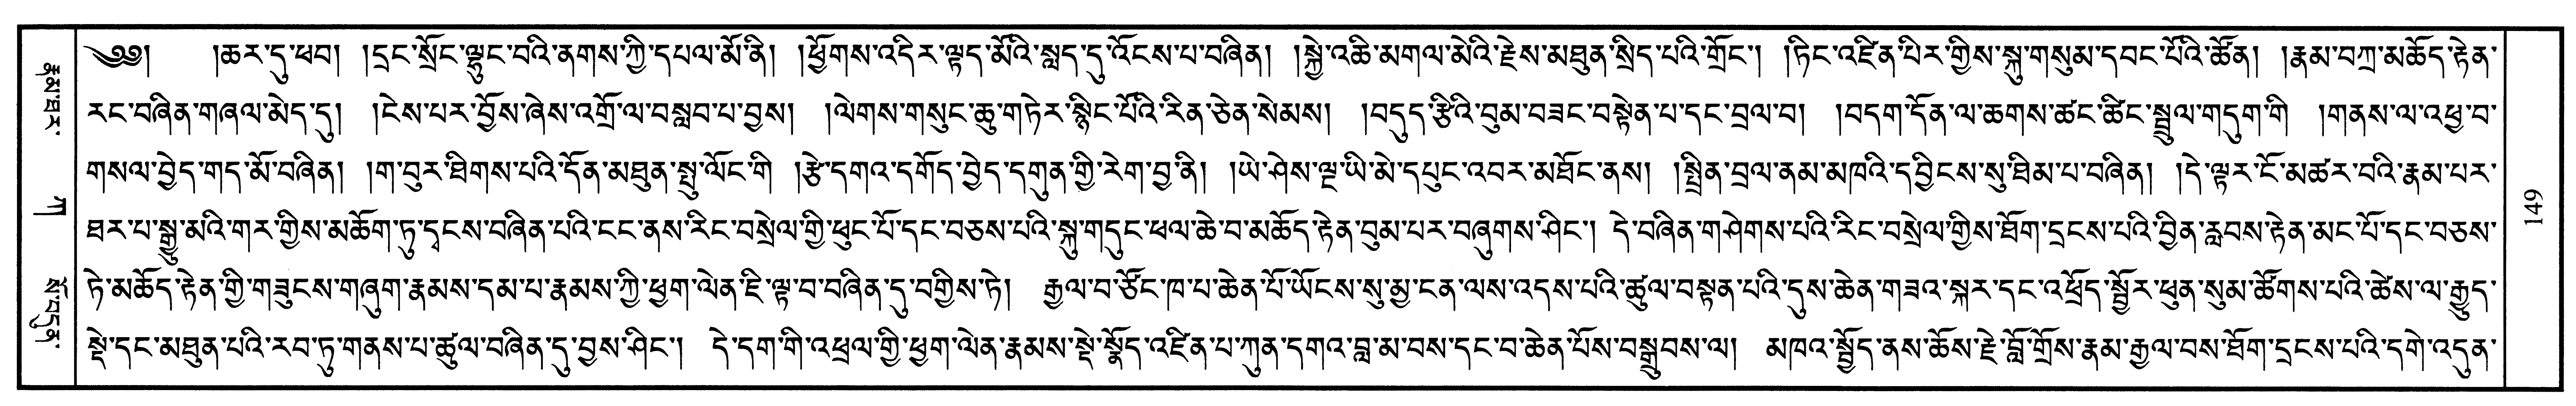༄༅། །ཆར་དུ་ཕབ། །དྲང་སྲོང་ལྷུང་བའི་ནགས་ཀྱི་དཔལ་མོ་ནི། །ཕྱོགས་འདིར་ལྟད་མོའི་སླད་དུ་འོངས་པ་བཞིན། །སྐྱེ་འཆི་མགལ་མེའི་རྗེས་མཐུན་སྲིད་པའི་གྲོང་། །ཏིང་འཛིན་པིར་གྱིས་སྐུ་གསུམ་དབང་པོའི་ཚོན། །རྣམ་བཀྲ་མཆོད་རྟེན་
རང་བཞིན་གཞལ་མེད་དུ། །ངེས་པར་བྱོས་ཞེས་འགྲོ་ལ་བསླབ་པ་བྱས། །ལེགས་གསུང་ཆུ་གཏེར་སྙིང་པོའི་རིན་ཅེན་སེམས། །བདུད་རྩིའི་བུམ་བཟང་བསྟེན་པ་དང་བྲལ་བ། །བདག་དོན་ལ་ཆགས་ཚང་ཚིང་སྦྲུལ་གདུག་གི །གནས་ལ་འཕྱ་བ་
གསལ་བྱེད་གད་མོ་བཞིན། །ག་བུར་ཐིགས་པའི་དོན་མཐུན་སྤུ་ལོང་གི །རྩེ་དགའ་དགོད་བྱེད་དགུན་གྱི་རེག་བྱ་ནི། །ཡེ་ཤེས་ལྔ་ཡི་མེ་དཔུང་འབར་མཐོང་ནས། །སྤྲིན་བྲལ་ནམ་མཁའི་དབྱིངས་སུ་ཐིམ་པ་བཞིན། །དེ་ལྟར་ངོ་མཚར་བའི་རྣམ་པར་
ཐར་པ་སྒྱུ་མའི་གར་གྱིས་མཆོག་ཏུ་དྭངས་བཞིན་པའི་ངང་ནས་རིང་བསྲེལ་གྱི་ཕུང་པོ་དང་བཅས་པའི་སྐུ་གདུང་ཕལ་ཆེ་བ་མཆོད་རྟེན་བུམ་པར་བཞུགས་ཤིང་། དེ་བཞིན་གཤེགས་པའི་རིང་བསྲེལ་གྱིས་ཐོག་དྲངས་པའི་བྱིན་རླབས་རྟེན་མང་པོ་དང་བཅས་
ཏེ་མཆོད་རྟེན་གྱི་གཟུངས་གཞུག་རྣམས་དམ་པ་རྣམས་ཀྱི་ཕྱག་ལེན་ཇི་ལྟ་བ་བཞིན་དུ་བགྱིས་ཏེ། རྒྱལ་བ་ཙོང་ཁ་པ་ཆེན་པོ་ཡོངས་སུ་མྱ་ངན་ལས་འདས་པའི་ཚུལ་བསྟན་པའི་དུས་ཆེན་གཟའ་སྐར་དང་འཕྲོད་སྦྱོར་ཕུན་སུམ་ཚོགས་པའི་ཚེས་ལ་རྒྱུད་
སྡེ་དང་མཐུན་པའི་རབ་ཏུ་གནས་པ་ཚུལ་བཞིན་དུ་བྱས་ཤིང་། དེ་དག་གི་འཕྲལ་གྱི་ཕྱག་ལེན་རྣམས་སྡེ་སྣོད་འཛིན་པ་ཀུན་དགའ་བླ་མ་བས་དང་བ་ཆེན་པོས་བསྒྲུབས་ལ། མཁའ་སྤྱོད་ནས་ཆོས་རྗེ་བློ་གྲོས་རྣམ་རྒྱལ་བས་ཐོག་དྲངས་པའི་དགེ་འདུན་